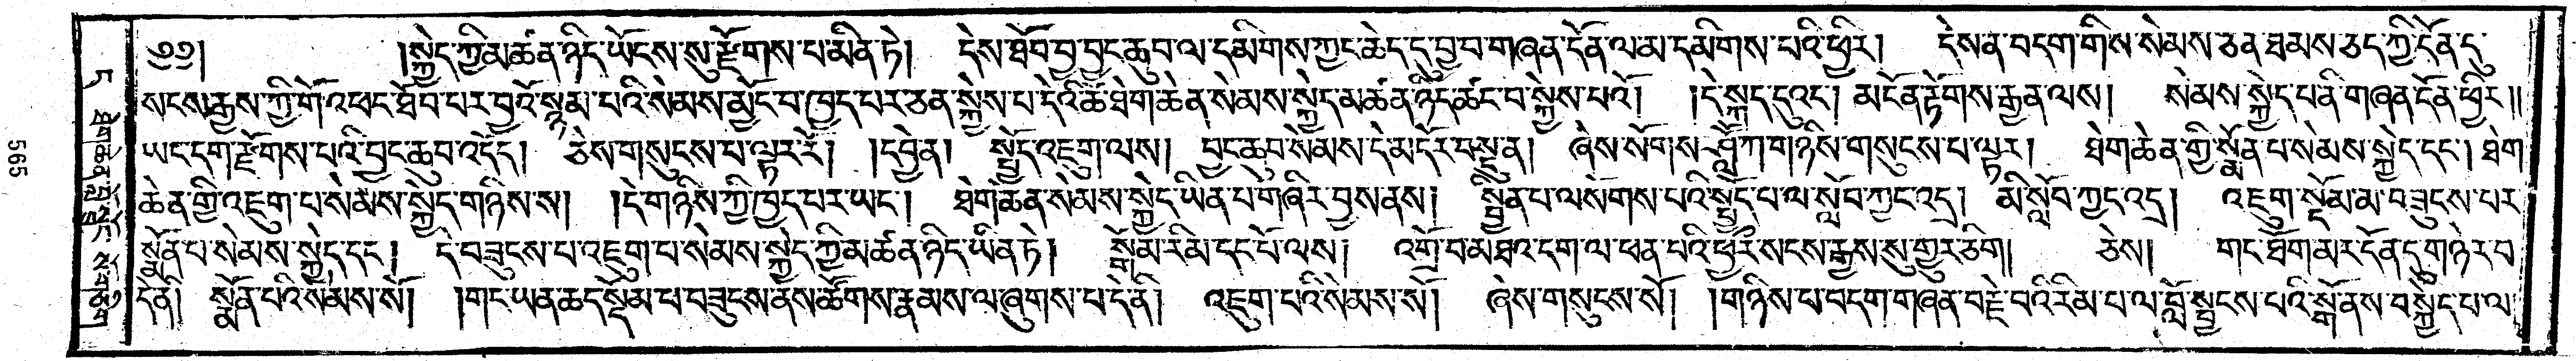༄༅། །སྐྱེད་ཀྱི་མཚན་ཉིད་ཡོངས་སུ་རྫོགས་པ་མིན་ཏེ། དེས་ཐོབ་བྱ་བྱང་ཆུབ་ལ་དམིགས་ཀྱང་ཆེད་དུ་བྱ་བ་གཞན་དོན་ལ་མ་དམིགས་པའི་ཕྱིར། དེས་ན་བདག་གིས་སེམས་ཅན་ཐམས་ཅད་ཀྱི་དོན་དུ་
སངས་རྒྱས་ཀྱི་གོ་འཕང་ཐོབ་པར་བྱའོ་སྙམ་པའི་སེམས་མྱོང་བ་ཁྱད་པར་ཅན་སྐྱེས་པ་དེའི་ཚེ་ཐེག་ཆེན་སེམས་སྐྱེད་མཚན་ཉིད་ཚང་བ་སྐྱེད་པའོ། །དེ་སྐད་དུའང་། མངོན་རྟོགས་རྒྱན་ལས། སེམས་སྐྱེད་པ་ནི་གཞན་དོན་ཕྱིར།།
ཡང་དག་རྫོགས་པའི་བྱང་ཆུབ་འདོད། ཅེས་གསུངས་པ་ལྟར་རོ། །དབྱེ་ན། སྤྱོད་འཇུག་ལས། བྱང་ཆུབ་སེམས་དེ་མདོར་བསྡུ་ན། ཞེས་སོགས་ཤླཽ་ཀ་གཉིས་གསུངས་པ་ལྟར། ཐེག་ཆེན་གྱི་སྨོན་པ་སེམས་སྐྱེད་དང་། ཐེག་
ཆེན་གྱི་འཇུག་པ་སེམས་སྐྱེད་གཉིས་ས། །དེ་གཉིས་ཀྱི་ཁྱད་པར་ཡང་། ཐེག་ཆེན་སེམས་སྐྱེད་ཡིན་པ་གཞིར་བྱས་ནས། སྦྱིན་པ་ལ་སོགས་པའི་སྤྱོད་པ་ལ་སློབ་ཀྱང་འདྲ། མི་སློབ་ཀྱང་འདྲ། འཇུག་སྡོམ་མ་བཟུངས་པར་
སྨོན་པ་སེམས་སྐྱེད་དང་། དེ་བཟུངས་པ་འཇུག་པ་སེམས་སྐྱེད་ཀྱི་མཚན་ཉིད་ཡིན་ཏེ། སྒོམ་རིམ་དང་པོ་ལས། འགྲོ་བ་མཐའ་དག་ལ་ཕན་པའི་ཕྱིར་སངས་རྒྱས་སུ་གྱུར་ཅིག། ཅེས། གང་ཐོག་མར་དོན་དུ་གཉེར་བ་
དེ་ནི། སྨོན་པའི་སེམས་སོ། །གང་ཡན་ཆད་སྡོམ་པ་བཟུངས་ནས་ཚོགས་རྣམས་ལ་ཞུགས་པ་དེ་ནི། འཇུག་པའི་སེམས་སོ། ཞེས་གསུངས་སོ། །གཉིས་པ་བདག་གཞན་བརྗེ་བའི་རིམ་པ་ལ་བློ་སྦྱངས་པའི་སྒོ་ནས་བསྐྱེད་པ་ལ་